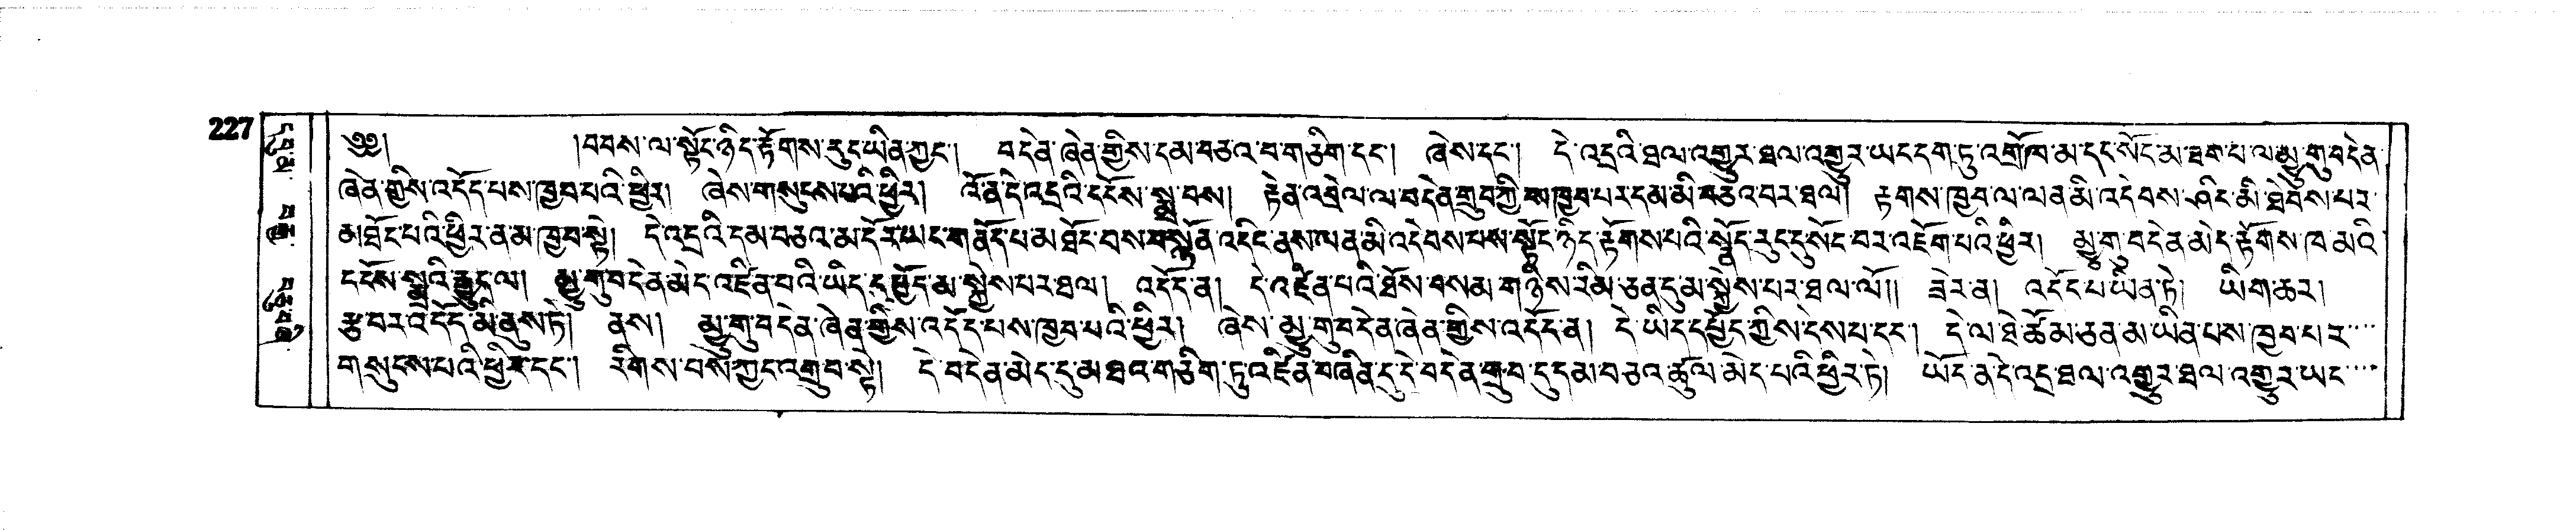༄༅། །བབས་ལ་སྟོང་ཉིད་རྟོགས་རུང་ཡིན་ཀྱང་། བདེན་ཞེན་གྱིས་དམ་བཅའ་བ་གཅིག་དང་། ཞེས་དང་། དེ་འདྲའི་ཐལ་འགྱུར་ཐལ་འགྱུར་ཡང་དག་ཏུ་འགྲོ་ཁ་མ་དང་སོང་མ་ཐག་པ་ལ་མྱུ་གུ་བདེན་
ཞེན་གྱིས་འདོད་པས་ཁྱབ་པའི་ཕྱིར། ཞེས་གསུངས་པའི་ཕྱིར། འོ་ན་དེ་འདྲའི་དངོས་སྨྲ་བས། རྟེན་འབྲེལ་ལ་བདེན་གྲུབ་ཀྱིས་ཁྱབ་པར་དམ་མི་བཅའ་བར་ཐལ། རྟགས་ཁྱབ་ལ་ལན་མི་འདེབས་ཤིང་མི་ཐེབས་པར་
མཐོང་པའི་ཕྱིར་ན་མ་ཁྱབ་སྟེ། དེ་འདྲའི་དམ་བཅའ་མ་དོར་ཡང་གནོད་པ་མཐོང་བས་བསྙོན་འདིང་ནས་ལན་མི་འདེབས་པས་སྟོང་ཉིད་རྟོགས་པའི་སྣོད་རུང་དུ་སོང་བར་འཇོག་པའི་ཕྱིར། མྱུ་གུ་བདེན་མེད་རྟོགས་ཁ་མའི་
དངོས་སྨྲའི་རྒྱུད་ལ། མྱུ་གུ་བདེན་མེད་འཛིན་པའི་ཡིད་དུ་དཔྱོད་མ་སྐྱེས་པར་ཐལ། འདོད་ན། དེ་འཛིན་པའི་ཐོས་བསམ་གཉིས་རིམ་ཅན་དུ་མ་སྐྱེས་པར་ཐལ་ལོ།། ཟེར་ན། འདོད་པ་ཡིན་ཏེ། ཡིག་ཆར།
རྩ་བར་འདོད་མི་ནུས་ཏེ། ནས། མྱུ་གུ་བདེན་ཞེན་གྱིས་འདོད་པས་ཁྱབ་པའི་ཕྱིར། ཞེས་མྱུ་གུ་བདེན་ཞེན་གྱིས་འདོད་ན། དེ་ཡིད་དཔྱོད་ཀྱིས་ངེས་པ་དང་། དེ་ལ་ཐེ་ཚོམ་ཅན་མ་ཡིན་པས་ཁྱབ་པར་
གསུངས་པའི་ཕྱིར་དང་། རིགས་པས་ཀྱང་འགྲུབ་སྟེ། དེ་བདེན་མེད་དུ་མཐའ་གཅིག་ཏུ་འཛིན་བཞིན་དུ་དེ་བདེན་གྲུབ་དུ་དམ་བཅའ་ཚུལ་མེད་པའི་ཕྱིར་ཏེ། ཡོད་ན་དེ་འདྲ་ཐལ་འགྱུར་ཐལ་འགྱུར་ཡང་